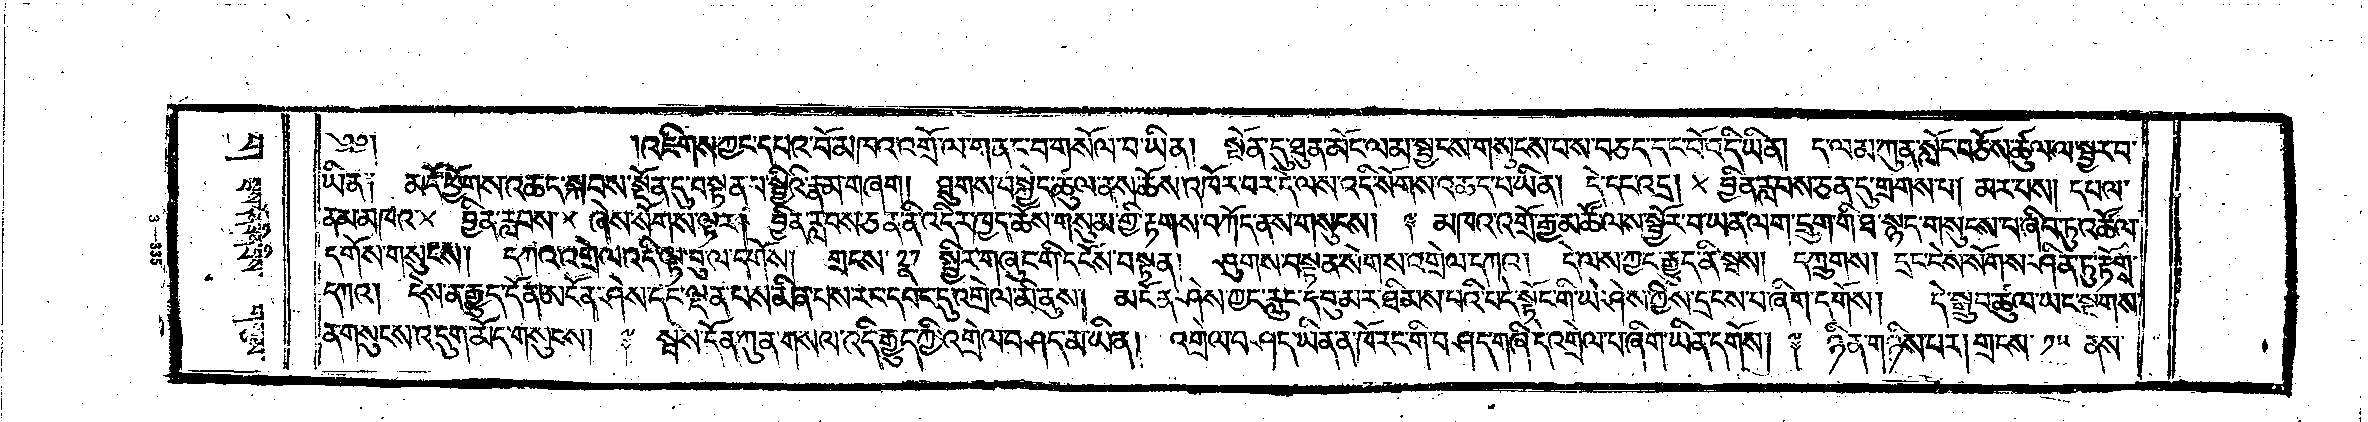༄༅། །འཇིགས་ཀྱང་དཔའ་བོ་མཁའ་འགྲོ་ལ་གནང་བ་གསོལ་བ་ཡིན། སྔོན་དུ་ཐུན་མོང་ལམ་སྦྱངས་གསུངས་པས་བཅད་དང་པོ་འདི་ཡིན། ད་ལམ་ཀུན་སློང་བཅོས་ཚུལ་ལ་སྦྱར་བ་
ཡིན༑ མདོ་ཕྱོགས་འཆད་སྐབས་སྔོན་དུ་བསྟན་པ་སྤྱིའི་རྣམ་གཞག། ཐུགས་བསྐྱེད་ཚུལ་ནས་ཆོས་འཁོར་བར་དེ་ལས་འདི་སོགས་འཆད་པ་ཡིན། དེ་དང་འདྲ། ྾་བྱིན་རླབས་ཅན་དུ་གྲགས་པ། མར་པས། དཔལ་
ནམ་མཁའ྾་བྱིན་རླབས྾་ཞེས་སོགས་ལྟར། བྱིན་རླབས་ཅན་ནི་འདིར་ཁྱད་ཆོས་གསུམ་གྱི་རྟགས་བཀོད་ནས་གསུངས། ༈ མཁའ་འགྲོ་རྒྱ་མཚོ་ལས་སྦྱོར་བ་ཡན་ལག་དྲུག་གི་ཐ་སྙད་གསུངས་པ་ཞིབ་ཏུ་འཚོལ་
དགོས་གསུངས། དཀའ་འགྲེལ་འདི་ལྟ་བུ་ལ་དགོས། གྲངས ༢༧ན་སྤྱིར་གཞུང་གི་དངོས་བསྟན། ཤུགས་བསྟན་སོགས་འགྲེལ་དཀའ། དེ་ལས་ཀྱང་རྒྱུད་ནི་སྦས། དཀྲུགས། དྲང་ངེས་སོགས་ཤིན་ཏུ་རྟོགས་
དཀའ་དེས་ན་རྒྱུད་དོན་མངོན་ཤེས་དང་ལྡན་པས་མིན་པས་རང་དབང་དུ་འགྲེལ་མི་ནུས། མངོན་ཤེས་ཀྱང་རླུང་དབུ་མར་ཐིམས་པའི་བདེ་སྟོང་གི་ཡེ་ཤེས་ཀྱིས་དྲངས་པ་ཞིག་དགོས། དེ་སྒྲུབ་ཚུལ་ཡང་སྔགས་
ན་གསུངས་འདུག་མོད་གསུངས། ༈ སྦེས་དོན་ཀུན་གསལ་འདི་རྒྱུད་ཀྱི་འགྲེལ་བཤད་མ་ཡིན། འགྲེལ་བཤད་ཡིན་ན་ཁོ་རང་གི་བཤད་གཞི་དེ་འགྲེལ་པ་ཞིག་ཡིན་དགོས། ༈ ཉིན་གཉིས་པར། གྲངས ༡༥་ནས་